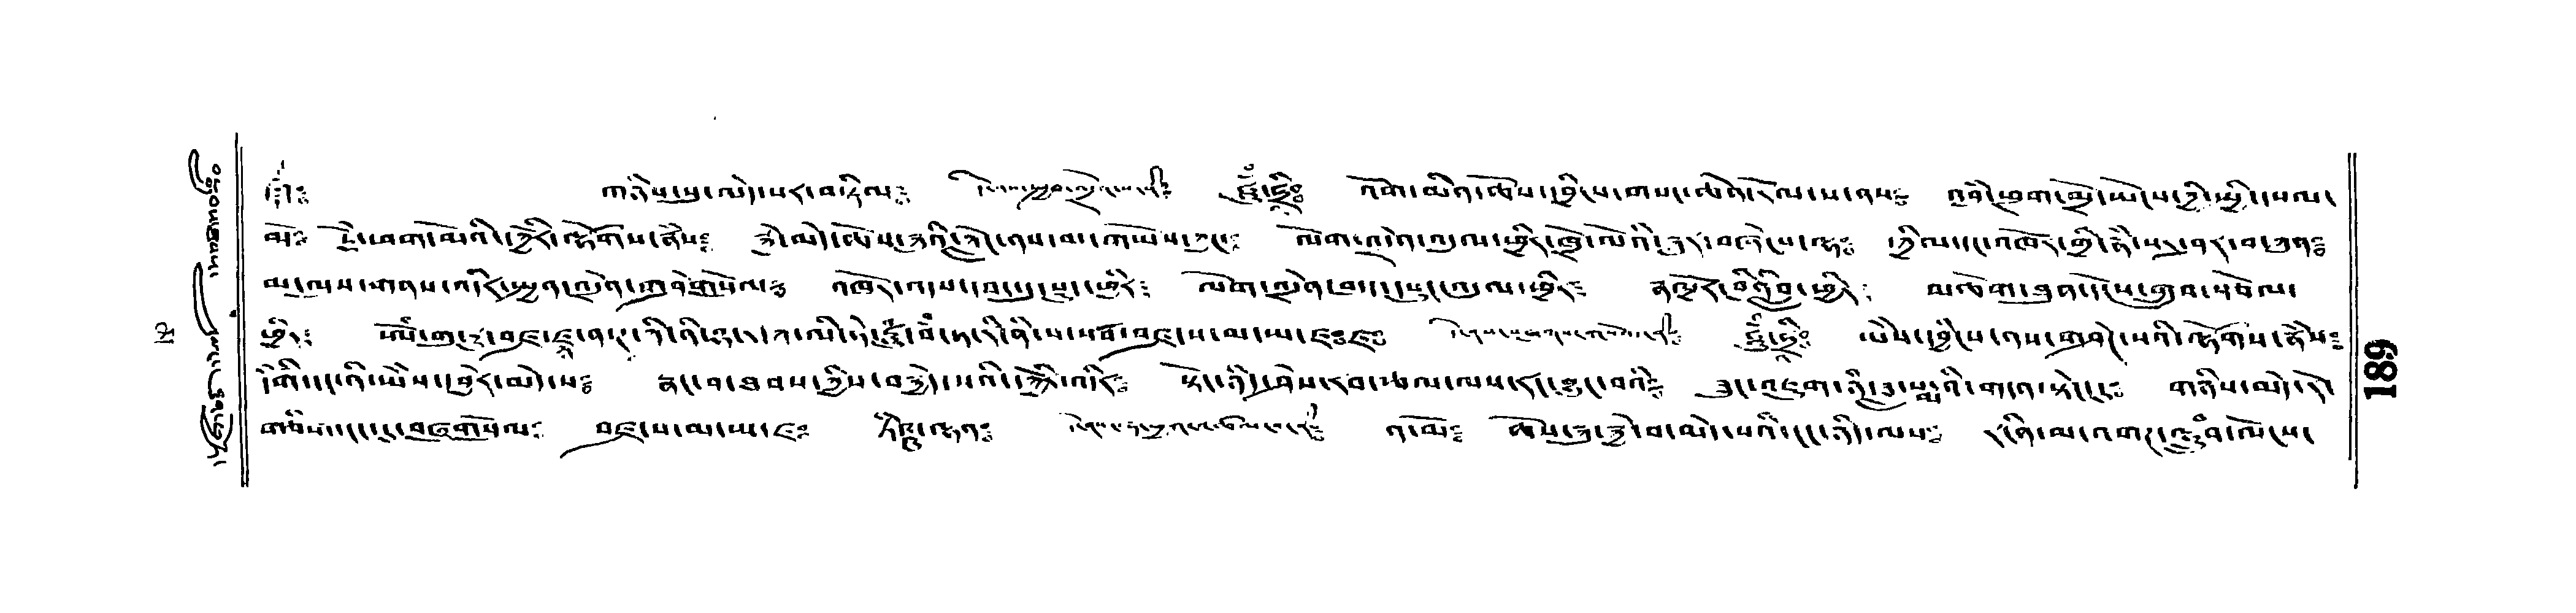གཉིས་སུ་མེད་པར་བསྟིམ༔ དེ་ནས་སྤྱན་འདྲེན་པ་ནི༔ ཧཱུྃ་ཧྲཱིཿ འོག་མིན་ཆོས་དབྱིངས་གསང་ཆེན་རོལ་པ་ནས༔ འབུམ་ཕྲག་མཁའ་འགྲོ་ཡོངས་ཀྱི་སྤྱི་དཔལ་
མོ༔ རྡོ་རྗེ་ཕག་མོའི་དཀྱིལ་འཁོར་ལྷ་ཚོགས་རྣམས༔ སྐྱེ་མེད་ཆོས་སྐུའི་ཀློང་ནས་མ་གཡོས་ཀྱང༔ ལོག་འདྲེན་འདུལ་ཕྱིར་ཁྲོ་མོའི་སྐུར་བཞེངས་ལྷ༔ དཀྱིལ་དང་འཁོར་གྱི་རྣམ་པར་ཤར་བ་ཀུན༔ 
མ་ལུས་གནས་འདིར་སྤྱན་འདྲེན་གཤེགས་སུ་གསོལ༔ འཁོར་འདས་དབང་དུ་སྡུད་ཕྱིར༴ ལོག་འདྲེན་བདུད་དཔུང་འདུལ་ཕྱིར༴ རྣལ་འབྱོར་བྱིན་གྱིས་བརླབ་ཕྱིར༴ མཆོག་ཐུན་དངོས་གྲུབ་སྩོལ་
ཕྱིར༴ ཨོཾ་གུ་རུ་བཛྲ་ཛྙཱ་ན་ཌཱ་ཀི་ནི་བྷ་ར་ཀ་ལི་ཧེ་ཧཱུཾ་བྃ་ཧ་རི་ནི་ས་སརྦ་བཛྲ་ས་མ་ཡ་ཛཿཛཿ དེ་ནས་བཞུགས་གསོལ་ནི༔ ཧཱུྃ་ཧྲཱི༔ ཡེ་ཤེས་དབྱིངས་ནས་གཤེགས་པའི་ལྷ་ཚོགས་རྣམས༔ 
དམ་ཚིག་དང་ནི་ཡེ་ཤེས་དབྱེར་མེད་པ༔ སྣང་བ་ཐབས་ཀྱིས་བསྐྱེད་པའི་དཀྱིལ་འཁོར་འདིར༔ སྟོང་ཉིད་ཤེས་རབ་རྩལ་ལས་རང་བྱུང་བའི༔ ཟུང་འཇུག་ཉི་ཟླ་པདྨའི་གདན་སྟེང་དུ༔ གཉིས་མེད་རོ་
གཅིག་ངང་དུ་བཞུགས་སུ་གསོལ༔ བཛྲ་ས་མ་ཡ་ཛཿ ཏིཥྛ་ལྷན༔ དེ་ནས་བརྡ་ཕྱག་འཚལ་བ་ནི༔ ན་མོ༔ ཆོས་སྐུ་སྐྱེ་བ་མེད་པའི་ངང་ཉིད་ལས༔ རང་བཞིན་མ་འགགས་ལྷུན་གྲུབ་ལོངས་